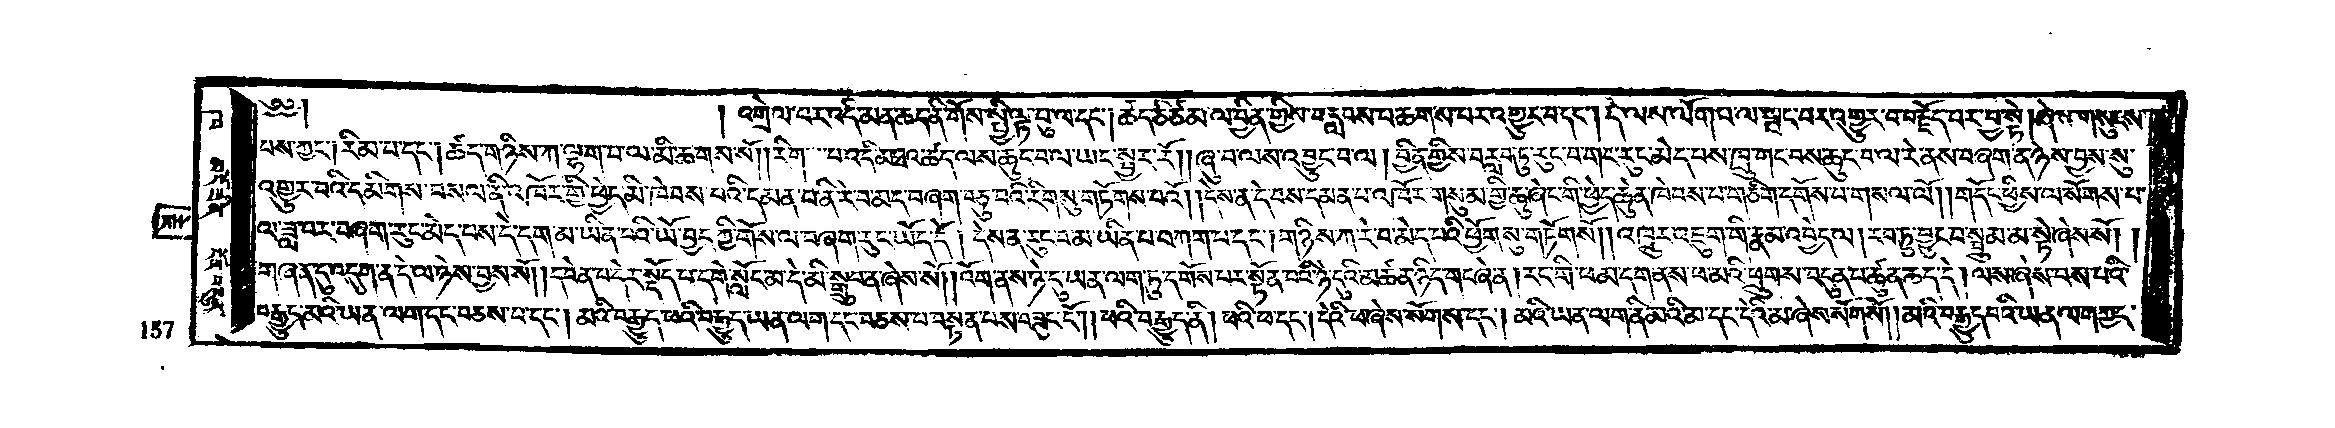༄༅། །འགྲེལ་བར་འདི་མན་ཆད་ནི་གོས་སྤྱི་ལྟ་བུ་ལ་དང་། ཚད་ཅི་ཙམ་ལ་བྱིན་གྱིས་བརླབས་པ་ཆགས་པར་འགྱུར་བ་དང་། དེ་ལས་ལོག་པ་ལ་སྤང་བར་འགྱུར་བ་བརྗོད་པར་བྱ་སྟེ། ཞེས་གསུངས་
པས་ཀྱང་། རིམ་པ་དང་། ཚད་གཉིས་ཀ་ལྷག་པ་ལ་མི་ཆགས་སོ། །རིག་པ་འདི་མཐའ་ཚད་ལས་ཆུང་བ་ལ་ཡང་སྦྱར་རོ། །ཞུ་བ་ལས་འབྱུང་བ་ལ། བྱིན་གྱིས་བརླབ་ཏུ་རུང་བ་གང་རུང་མེད་པས་ཁྲུ་གང་བས་ཆུང་བ་ལ་རེ་ནས་བཞག་ན་ཉེས་བྱས་སུ་
འགྱུར་བའི་དམིགས་བསལ་ནི་འཁོར་གྱི་ཕྱེད་མི་ཁེབས་པའི་དམན་པ་ནི་རེ་བ་མད་པ་ཞག་བཅུ་པའི་རིགས་སུ་གཏོགས་པའོ། །དེས་ན་དེ་བས་དམན་པ་འཁོར་གསུམ་གྱི་ཆུ་ཞེང་གི་ཕྱེད་ཚུན་ཁེབས་པ་གཅིག་དགོས་པ་གསལ་ལོ། །གདོང་ཕྱིས་ལ་སོགས་པ་
ལ་ཟླ་བར་བཞག་རུང་མེད་པས་དེ་དག་མ་ཡིན་པའི་ཡོ་བྱད་ཀྱི་གོས་ལ་བཞག་རུང་ཡོད་དོ། དེས་ན་རུང་བ་མ་ཡིན་པ་བཀག་པ་དང་། གཉིས་ཀ་རེ་བ་མེད་པའི་ཕྱོགས་སུ་གཏོགས་སོ། །འཁྲུར་འཇུག་གི་རྣམ་འབྱེད་ལ། རབ་ཏུ་བྱུང་བ་སྦྲུམ་མ་སྟེ་ཞེས་སོ། །
གཞན་དུ་འདུག་ན་དེ་ལ་ཉེས་བྱས་སོ། །དབེན་པ་དེར་སྡོད་པ་དགེ་སློང་མ་དེ་མི་སྒྲུབ་ན་ཞེས་སོ། །འོག་ནས་ཉེ་དུ་ཡན་ལག་ཏུ་དགོས་པར་སྟོན་པའི་ཉེ་དུའི་མཚན་ཉིད་གང་ཞེ་ན། རང་གི་ཕམ་དག་ནས་ཕ་མའི་ཕྲུགས་བདུན་པ་ཚུན་ཆད་དེ། ལས་ཞེས་པས་ཕའི་
བརྒྱུད་མའི་ཡན་ལག་དང་བཅས་པ་དང་། མའི་བརྒྱུད་ཕའི་བརྒྱུད་ཡན་ལག་དང་བཅས་པ་བསྟན་པས་བཟུང་ངོ། །ཕའི་བརྒྱུད་ནི། ཕའི་ཕ་དང་། དེའི་ཕ་ཞེས་སོགས་དང་། མའི་ཡན་ལག་ནི་མའི་མ་དང་དེའི་མ་ཞེས་སོགས་སོ། །མའི་བརྒྱུད་པའི་ཡན་ལག་ཀྱང་